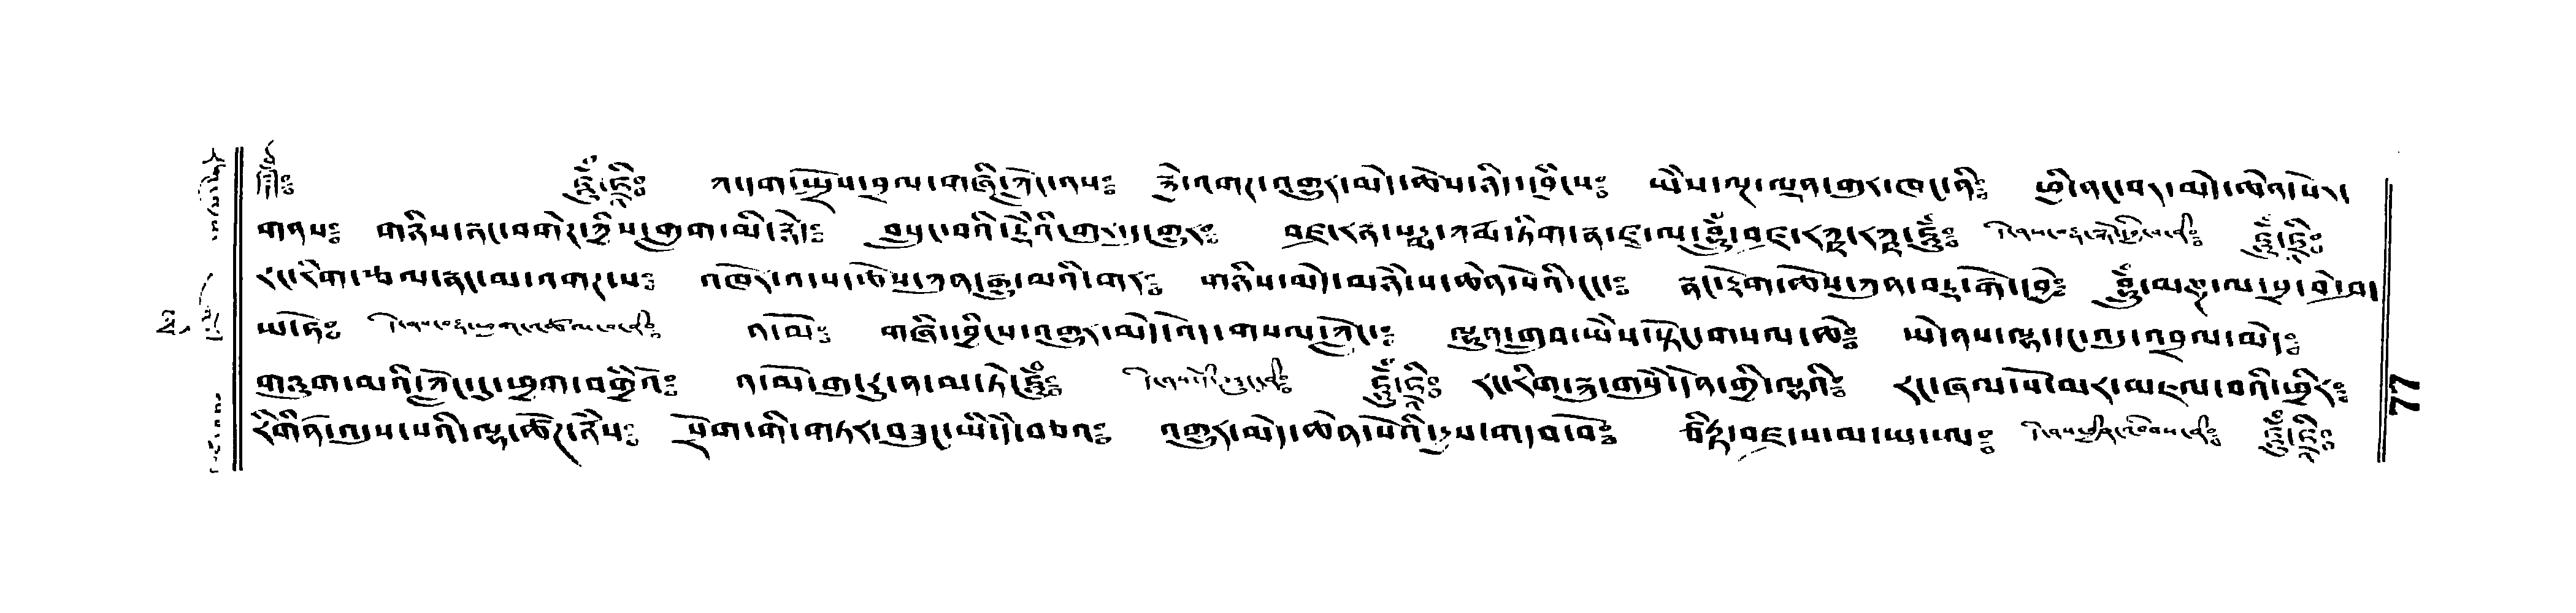ཧཱུྃ་ཧྲཱིཿ ཀ་དག་སྤྲོས་བྲལ་གཞི་ཀློང་ནས༔ སྐྱེ་འགག་འགྱུར་མེད་ཆོས་ཉིད་དབྱིངས༔ ཡེ་ཤེས་ལྔ་ལྡན་གུར་ཁང་ནིཿ ཕྱི་ནང་བར་མེད་ཆེན་པོར་
གནས༔ གཉིས་སྣང་བགེགས་ཀྱིས་གླགས་མི་རྙེད༔ བསྲུང་བའི་རྡོ་རྗེའི་གུར་དུ་གྱུར༔ བཛྲ་རཏྣ་པདྨ་ཀརྨ་ཏིག་སྣ་ཛྭ་ལ་བྷྲཱུྃ་བཛྲ་རཀྵ་ཧཱུྃ༔ དེ་ནས་བརྡ་སྒོ་དབྱེ་བ་ནི༔ ཧཱུྃ་ཧྲཱིཿ 
རང་རིག་རྩལ་སྣང་མ་འགགས་པ༔ འཁོར་འདས་ཆོས་ཀུན་སྒྱུ་མའི་གར༔ གཉིས་མེད་མཉམ་པ་ཆེན་པོའི་ངང༔ སྣང་རྟོག་ཆོས་ཀུན་བརྡ་སྒོ་དབྱེ༔ བྷྲཱུྃ་མཎྜ་ལ་པྲ་ཝེ་ཤ་
ཡ་ཧོཿ དེ་ནས་བརྡ་ཕྱག་འཚལ་བ་ནི༔ ན་མོ༔ གཞི་དབྱིངས་འགྱུར་མེད་འོད་གསལ་ཀློང༔ ལྷུན་གྲུབ་ཡེ་ཤེས་སྟོང་གསལ་ཆེ༔ ཡེ་ནས་ལྷ་དང་འདུ་འབྲལ་མེད༔ 
གཉུག་མའི་ཀློང་དུ་ཕྱག་བགྱིའོ༔ ན་མོ་གུ་རུ་ན་མ་ཏེ་ཧཱུྃ༔ དེ་ནས་དམ་བཟུང་ནི༔ ཧཱུྃ་ཧྲཱིཿ རང་རིག་སྐུ་གསུམ་དོན་གྱི་ལྷའི༔ རང་ཞལ་སོ་མར་མཇལ་བའི་ཕྱིར༔ 
རིག་འཛིན་འདུས་པའི་ལྷ་ཚོགས་རྣམས༔ སྲོག་གི་གཏེར་བཟུང་ཡི་དམ་བཅའ༔ འགྱུར་མེད་ཆེན་པོའི་རྒྱས་གདབ་བོ༔ ཅིཏྟ་བཛྲ་ས་མ་ཡ་ཨ༔ དེ་ནས་བྱིན་འབེབས་ནི༔ ཧཱུྃ་ཧྲཱིཿ